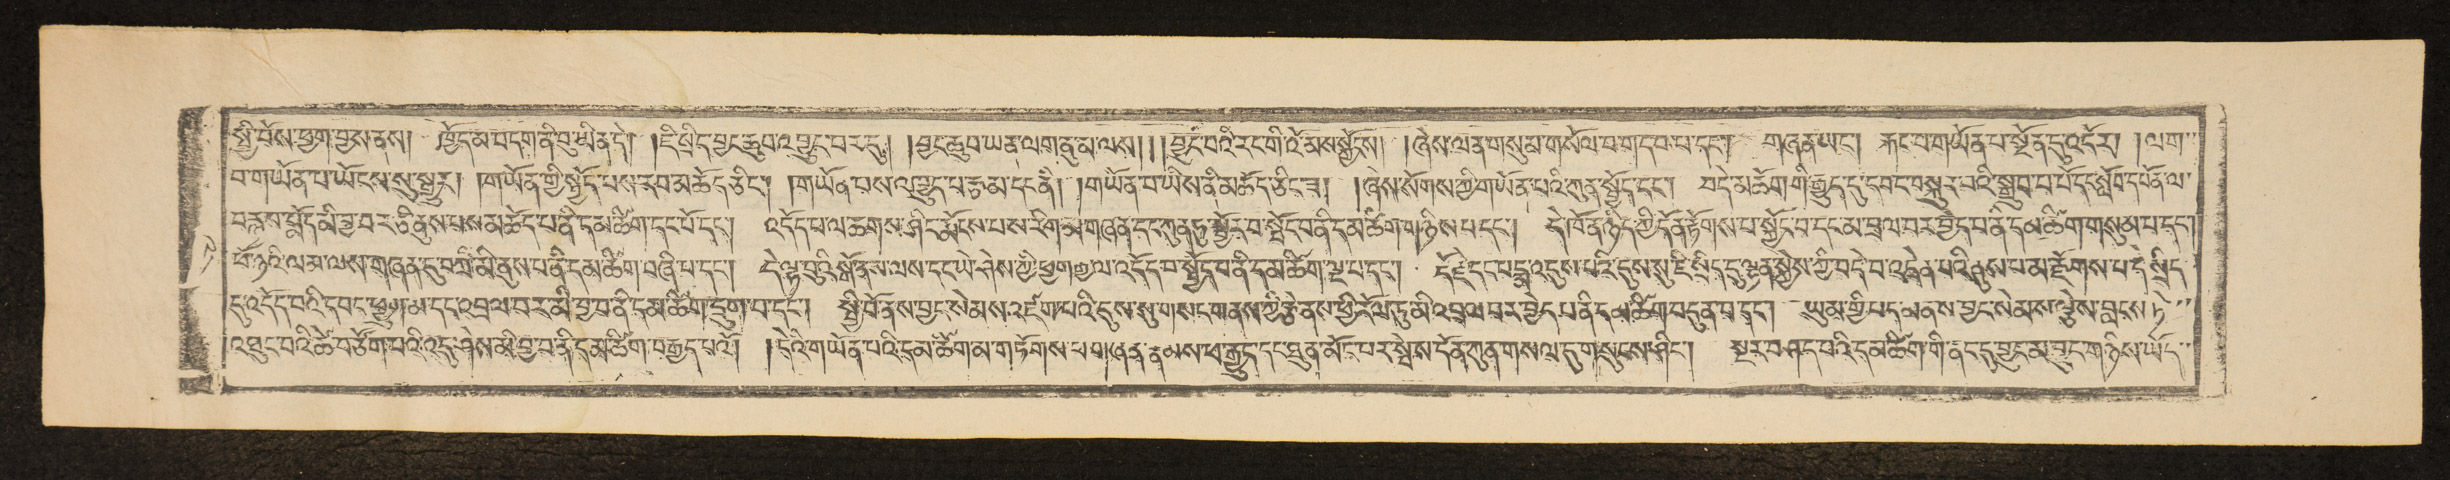སྦྱི་བོས་ཕྱག་བྱས་ནས། ཁྱོད་མ་བདག་ནི་བུ་ཡིན་དེ། །ཇི་སྲིད་བྱང་ཆུབ་འབྱུང་བར་དུ། །བྱང་ཆུབ་ཡན་ལག་ནུ་མ་ལས། །བྱུང་བའི་རང་གི་འོ་མས་སྐྱོངས། །ཞེས་ལན་གསུམ་གསོལ་བ་གདབ་པ་དང་། གཞན་ཡང་། རྐང་པ་གཡོན་པ་སྔོན་དུ་འདོར། །ལག་
བ་གཡོན་པ་ཡོངས་སུ་སྒྱུར། །གཡོན་གྱི་སྤྱོད་པས་རབ་མཆོད་ཅིང་། །གཡོན་པས་འཁྱུད་པ་རྩམ་དང་ནི། །གཡོན་པ་ཡིས་ནི་མཆོད་ཅིང་ཟ། །ཞེས་སོགས་ཀྱི་གཡོན་པའི་ཀུན་སྦྱོད་དང་། བདེ་མཆོག་གི་རྒྱུད་དུ་དབང་བསྐུར་བའི་སྒྲུབ་པ་པོ་དང་སློབ་དཔོན་ལ་
བརྙས་སྨོད་མི་བྱ་བར་ཅི་ནུས་པས་མཆོད་པ་ནི་དམ་ཚིག་དང་པོ་དང་། འདོད་པ་ལ་ཆགས་ཤིང་རྨོངས་པས་རིག་མ་གཞན་དང་ཀུན་ཏུ་སྦྱོར་བ་སྤོང་བ་ནི་དམ་ཚིག་གཉིས་པ་དང་། དེ་ཁོ་ན་ཉིད་ཀྱི་དོན་རྟོགས་པ་སྐྱོང་བ་དང་མ་བྲལ་བར་བྱེད་པ་ནི་དམ་ཚིག་གསུམ་པ་དང་།
ཕོ་ཉའི་ལམ་ལས་གཞན་དུ་བཀྲ་མི་ནུས་པ་ནི་དམ་ཚིག་བཞི་པ་དང་། དེ་ལྟ་བུའི་སྒོ་ནས་ལས་དང་ཡེ་ཤེས་ཀྱི་ཕྱག་རྒྱལ་འདོད་པ་སྦྱོད་པ་ནི་དམ་ཚིག་ལྔ་པ་དང་། རྡོ་རྗེ་དང་པདམ་འདུས་པའི་དུས་སུ་ཇི་སྲིད་དུ་ལྷན་སྐྱེས་ཀྱི་བདེ་བ་འདྲེན་པའི་ནུས་པ་མ་རྫོགས་པ་དེ་སྲིད་
དུ་འདོད་པའི་དབང་ཕྱུག་མ་དང་འབྲལ་བར་མི་བྱ་བ་ནི་དམ་ཚིག་དྲུག་པ་དང་། སྦྱི་བོ་ནས་བྱང་སེམས་འཛག་པའི་དུས་སུ་གསང་གནས་ཀྱི་རྩེ་ནས་ཕྱི་རོལ་ཏུ་མི་འབྲལ་བར་བྱེད་པ་ནི་དམ་ཚིག་བདུན་པ་དང་། ཡུམ་གྱི་པད་མ་ནས་བྱང་སེམས་ལྕེས་བླངས་ཏེ་
འཐུང་བའི་ཚེ་བ་ཙོག་པའི་འདུ་ཤེས་མི་བྱ་བ་ནི་དམ་ཚིག་བརྒྱད་པའོ། །དེའི་གཡོན་པའི་དམ་ཚིག་མ་གཏོགས་པ་གཞན་རྣམས་ཕ་རྒྱུད་དང་ཐུན་མོང་པར་སྤེས་དོན་ཀུན་གསལ་དུ་གསུངས་ཤིང་། སྔར་བཤད་པའི་དམ་ཚིག་གི་ནང་དུ་བྱུང་མ་བྱུང་གཉིས་ཡོད་